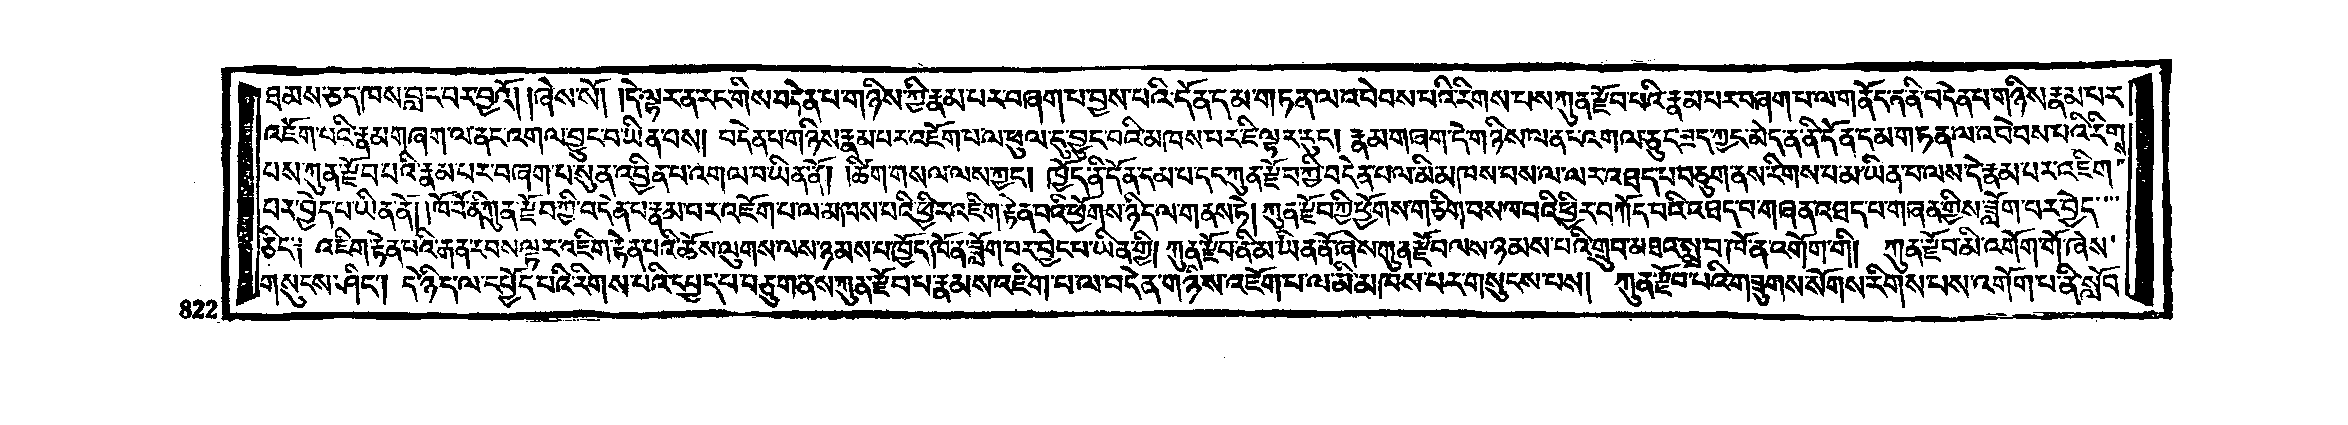ཐམས་ཅད་ཁས་བླང་བར་བྱའོ། །ཞེས་སོ། །དེ་ལྟར་ན་རང་གིས་བདེན་པ་གཉིས་ཀྱི་རྣམ་པར་བཞག་པ་བྱས་པའི་དོན་དམ་གཏན་ལ་འབེབས་པའི་རིགས་པས་ཀུན་རྫོབ་པའི་རྣམ་པར་བཞག་པ་ལ་གནོད་ན་ནི་བདེན་པ་གཉིས་རྣམ་པར་
འཇོག་པའི་རྣམ་གཞག་ལ་ནང་འགལ་བྱུང་བ་ཡིན་པས། བདེན་པ་གཉིས་རྣམ་པར་འཇོག་པ་ལ་ཕུལ་དུ་བྱུང་བའི་མཁས་པར་ཇི་ལྟར་རུང་། རྣམ་གཞག་དེ་གཉིས་ལ་ནང་འགལ་ཅུང་ཟད་ཀྱང་མེད་ན་ནི་དོན་དམ་གཏན་ལ་འབེབས་པའི་རིགས་
པས་ཀུན་རྫོབ་པའི་རྣམ་པར་བཞག་པ་སུན་འབྱིན་པ་འགལ་བ་ཡིན་ནོ། ཚིག་གསལ་ལས་ཀྱང་། ཁྱོད་ནི་དོན་དམ་པ་དང་ཀུན་རྫོབ་ཀྱི་བདེན་པ་ལ་མི་མཁས་པས་ལ་ལར་འཐད་པ་བཅུག་ནས་རིགས་པ་མ་ཡིན་པ་ལས་དེ་རྣམ་པར་འཇིག་
པར་བྱེད་པ་ཡིན་ནོ། །ཁོ་བོ་ནི་ཀུན་རྫོབ་ཀྱི་བདེན་པ་རྣམ་པར་འཇོག་པ་ལ་མཁས་པའི་ཕྱིར་འཇིག་རྟེན་པའི་ཕྱོགས་ཉིད་ལ་གནས་ཏེ། ཀུན་རྫོབ་གྱི་ཕྱོགས་གཅིག་བསལ་བའི་ཕྱིར་བཀོད་པའི་འཐད་པ་གཞན་འཐད་པ་གཞན་གྱིས་ཟློག་པར་བྱེད་
ཅིང༑ འཇིག་རྟེན་པའི་རྒན་རབས་ལྟར་འཇིག་རྟེན་པའི་ཆོས་ལུགས་ལས་ཉམས་པ་ཁྱོད་ཁོ་ན་ཟློག་པར་བྱེད་པ་ཡིན་གྱི། ཀུན་རྫོབ་ནི་མ་ཡིན་ནོ་ཞེས་ཀུན་རྫོབ་ལས་ཉམས་པའི་གྲུབ་མཐའ་སྨྲ་བ་ཁོ་ན་འགོག་གི། ཀུན་རྫོབ་མི་འགོག་གོ་ཞེས་
གསུངས་ཤིང་། དེ་ཉིད་ལ་དཔྱོད་པའི་རིགས་པའི་དཔྱད་པ་བཅུག་ནས་ཀུན་རྫོབ་པ་རྣམས་འཇིག་པ་ལ་བདེན་གཉིས་འཇོག་པ་ལ་མི་མཁས་པར་གསུངས་པས། ཀུན་རྫོབ་པའི་གཟུགས་སོགས་རིགས་པས་འགོག་པ་ནི་སློབ་